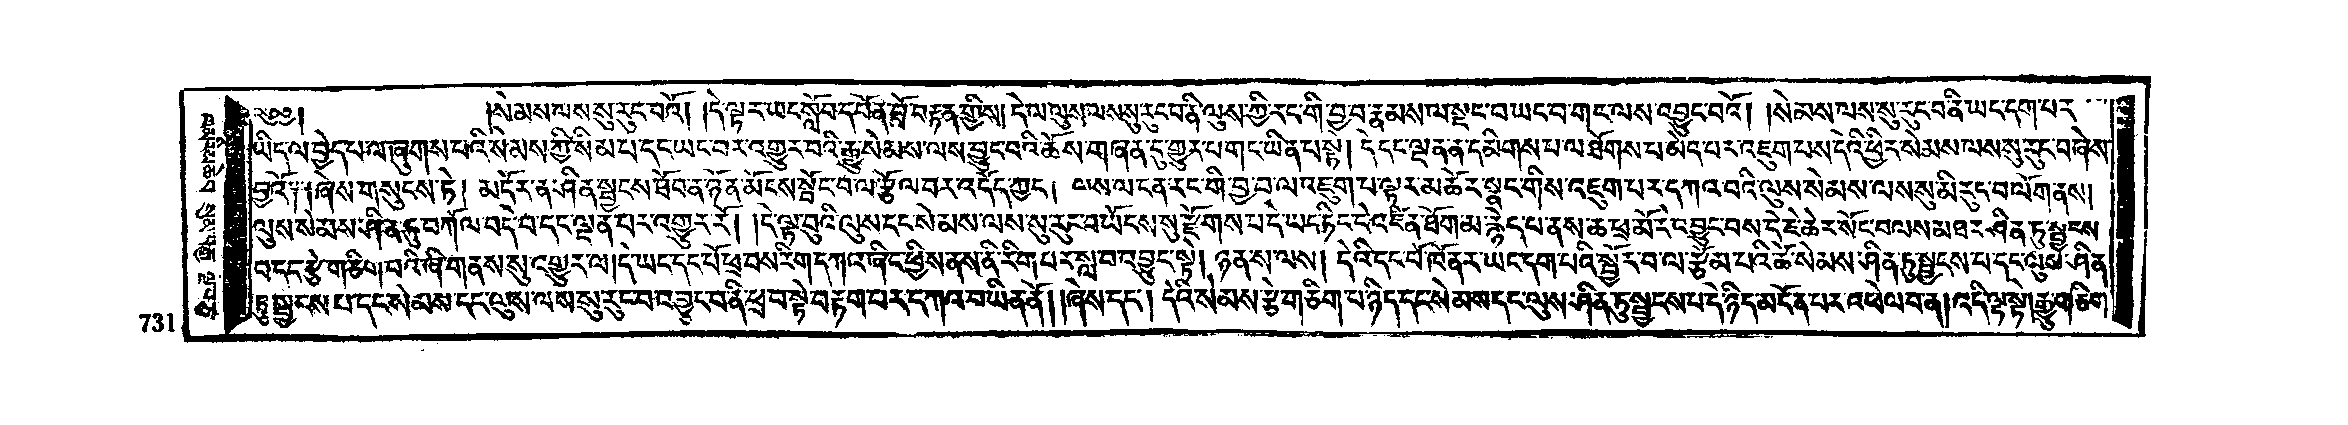༄༅། །སེམས་ལས་སུ་རུང་བའོ། །དེ་ལྟར་ཡང་སློབ་དཔོན་བློ་བརྟན་གྱིས། དེ་ལ་ལུས་ལས་སུ་རུང་བ་ནི་ལུས་ཀྱི་རང་གི་བྱ་བ་རྣམས་ལ་ལྡང་བ་ཡང་བ་གང་ལས་འབྱུང་བའོ། །སེམས་ལས་སུ་རུང་བ་ནི་ཡང་དག་པར་
ཡིད་ལ་བྱེད་པ་ལ་ཞུགས་པའི་སེམས་ཀྱི་སིམ་པ་དང་ཡང་བར་འགྱུར་བའི་རྒྱུ་སེམས་ལས་བྱུང་བའི་ཆོས་གཞན་དུ་གྱུར་པ་གང་ཡིན་པ་སྟེ། དེ་དང་ལྡན་ན་དམིགས་པ་ལ་ཐོགས་པ་མེད་པར་འཇུག་པས་དེའི་ཕྱིར་སེམས་ལས་སུ་རུང་བ་ཞེས་
བྱའོ༑ ༑ཞེས་གསུངས་ཏེ། མདོར་ན་ཤིན་སྦྱངས་ཐོབ་ན་ཉོན་མོངས་སྤོང་བ་ལ་རྩོལ་བར་འདོད་ཀྱང་། ལས་ལ་ངན་རང་གི་བྱ་བ་ལ་འཇུག་པ་ལྟར་མཚེར་སྣང་གིས་འཇུག་པར་དཀའ་བའི་ལུས་སེམས་ལས་སུ་མི་རུང་བ་ལོག་ནས།
ལུས་སེམས་ཤིན་ཏུ་བཀོལ་བདེ་བ་དང་ལྡན་པར་འགྱུར་རོ། །དེ་ལྟ་བུའི་ལུས་དང་སེམས་ལས་སུ་རུང་བ་ཡོངས་སུ་རྫོགས་པ་དེ་ཡང་ཏིང་ངེ་འཛིན་ཐོག་མ་རྙེད་པ་ནས་ཆ་ཕྲ་མོ་རེ་འབྱུང་བས་དེ་ཇེ་ཆེར་སོང་བ་ལས་མཐར་ཤིན་ཏུ་སྦྱངས་
པ་དང་རྩེ་གཅིག་པའི་ཞི་གནས་སུ་འགྱུར་ལ། དེ་ཡང་དང་པོ་ཕྲ་བས་རིག་དཀའ་ཞིང་ཕྱིས་ནས་ནི་རིག་པར་སླ་བ་འབྱུང་སྟེ། ཉན་ས་ལས། དེའི་དང་པོ་ཁོ་ནར་ཡང་དག་པའི་སྦྱོར་བ་ལ་རྩོམ་པའི་ཚེ་སེམས་ཤིན་ཏུ་སྦྱངས་པ་དང་ལུས་ཤིན་
ཏུ་སྦྱངས་པ་དང་སེམས་དང་ལུས་ལས་སུ་རུང་བ་འབྱུང་བ་ནི་ཕྲ་བ་སྟེ་བརྟག་པར་དཀའ་བ་ཡིན་ནོ། །ཞེས་དང་། དེའི་སེམས་རྩེ་གཅིག་པ་ཉིད་དང་སེམས་དང་ལུས་ཤིན་ཏུ་སྦྱངས་པ་དེ་ཉིད་མངོན་པར་འཕེལ་བ་ན། འདི་ལྟ་སྟེ། རྒྱུ་གཅིག་